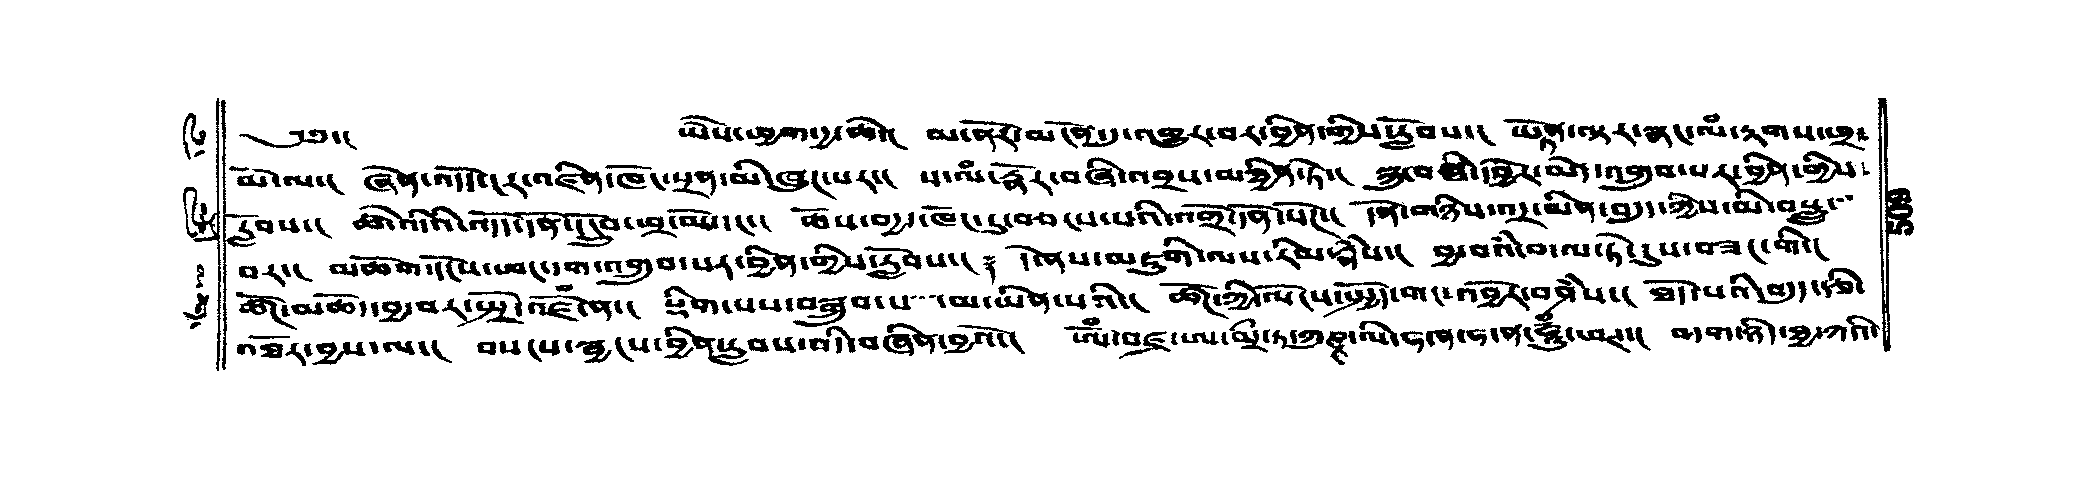ཡེ་ཤེས་ཕྱག་རྒྱ་ཆེ། །མ་ནོར་མངོན་དུ་འགྱུར་བར་བྱིན་གྱིས་རློབས། །ཡོན་ཏན་ལྟར་སྣང་ལམ་རྟགས་ཕྲ་
མོ་ལ། །ཞེན་འདོད་ངར་འཛིན་ཁོང་སྲན་མི་ཞུགས་པར། །ས་ལམ་རྣལ་འབྱོར་བཞི་འབྲས་མཐར་ཕྱིན་ཏེ། །སྐུ་བཞི་དབྱེར་མེད་འགྲུབ་པར་བྱིན་གྱིས་
རློབས། །ཚེ་འདིའི་འདོད་དོན་དངོས་གྲུབ་ཕྲ་མོ་དང་། །ཆོས་བརྒྱད་ཁོང་དུ་བཅངས་པའི་འགྲོ་དོན་སོགས། །དོན་གཉིས་འདྲ་མིན་བདུད་ཀྱིས་མི་བསླུ་
བར། །མཆོག་དངོས་ཡང་དག་འགྲུབ་པར་བྱིན་གྱིས་རློབས། ། ༈ དེ་ནས་མཇུག་གི་ལས་རིམ་རྣམས། །བྱ་བའམ་བདལ་ཏེ་དུས་བཟང་གི་།
ཚོགས་མཆོད་བྱ་བར་སྤྲོ་འཛོམ་ན། །སྡིག་པས་བསྒྲུབ་པ་མ་ཡིན་པའི། །ཚོགས་ཀྱི་ལོངས་སྤྱོད་གང་འབྱོར་བཤམས། །ཐོད་པའི་བདུད་རྩི་
འཐོར་བྱས་ལ། །བསངས་སྦྱངས་བྱིན་རླབས་འདི་བཞིན་བྱའོ། ཨོྂ་བཛྲ་ཨ་མྲྀ་ཏ་ཀུཎྜ་ལི་ཧ་ན་ཧ་ན་ཧཱུྂ་ཕཊ། །བདག་ཉིད་ཐུགས་ཀའི་